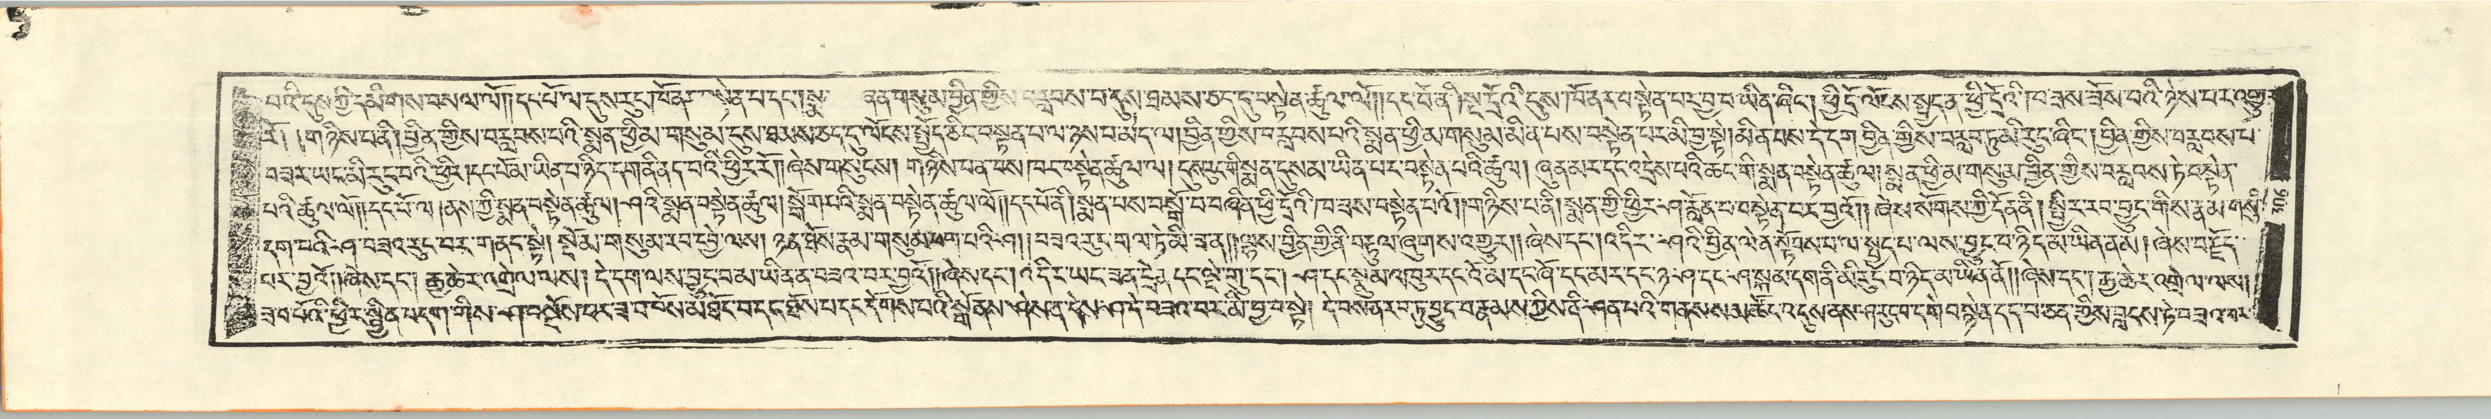པའི་དུས་ཀྱི་དམིགས་བསལ་ལོ། །དང་པོ་ལ་དུས་རུང་ཁོ་ནར་བསྟེན་པ་དང་། སྨན་གཞན་གསུམ་བྱིན་གྱིས་བརླབས་པ་དུས་ཐམས་ཅད་དུ་བསྟེན་ཚུལ་ལོ། །དང་པོ་ནི། སྔ་དྲོའི་དུས་ཁོ་ནར་བསྟེན་པར་བྱ་བ་ཡིན་ཞིང་། ཕྱི་དྲོ་ལོངས་སྤྱད་ན་ཕྱི་དྲོའི་ཁ་ཟས་ཟོས་བའི་ཉེས་པར་འགྱུར་
རོ༑ ༑གཉིས་པ་ནི། བྱིན་གྱིས་བརླབས་པའི་སྨན་ཕྱི་མ་གསུམ་དུས་ཐམས་ཅད་དུ་ལོངས་སྤྱོད་ཅིང་བསྟན་པ་ལ་ཉས་པ་མེད་ལ། བྱིན་གྱིས་བརླབས་པའི་སྨན་ཕྱི་མ་གསུམ་མིན་པས་བསྟེན་པར་མི་བྱ་སྟེ། མིན་པས་དེ་དག་བྱིན་གྱིས་བརླབ་ཏུ་མི་རུང་ཞིང་། བྱིན་གྱིས་བརླབས་པ་
བཟར་ཡང་མི་རུང་བའི་ཕྱིར། དང་པོ་མ་ཡིན་པ་ཉིད་དག་ནི་ནད་པའི་ཕྱིར་རོ། །ཞེས་གསུངས། གཉིས་པ་ན་བས་ཁར་བསྟེན་ཚུལ་ལ། དུས་རུང་གི་སྨན་དུས་མ་ཡིན་པར་བསྟེན་པའི་ཚུལ། ཞུན་མར་དང་འདྲེས་པའི་ཆང་གི་སྨན་བསྟེན་ཚུལ། སྨན་ཕྱི་མ་གསུམ་བྱིན་གྱིས་བརླབས་ཏེ་བསྟེན་
པའི་ཚུལ་ལོ། །དང་པོ་ལ། ནས་ཀྱི་སྨན་བསྟེན་ཚུལ། ཤའི་སྨན་བསྟེན་ཚུལ། སྒོག་པའི་སྨན་བསྟེན་ཚུལ་ལོ། །དང་པོ་ནི། སྨན་པས་བསྒོ་པ་བཞིན་ཕྱི་དྲོའི་ཁ་ཟས་བསྟེན་པའོ། །གཉིས་པ་ནི། སྨན་གྱི་ཕྱིར་ཤ་རློན་པ་བསྟེན་པར་བྱའོ། །ཞེས་སོགས་ཀྱི་དོན་ནི། སྤྱིར་རབ་བྱུང་གིས་རྣམ་གསུམ་
དག་པའི་ཤ་བཟའ་རུང་བར་གནད་སྟེ། སྔོ་མ་གསུམ་རབ་དབྱེ་ལས། ཉན་ཐོས་རྣམ་གསུམ་ཕག་པའི་ཤ། །བཟའ་རུང་གལ་ཏེ་མི་ཟ་ན། །ལྷས་བྱིན་གྱི་ནི་བརྟུལ་ཞུགས་འགྱུར། །ཞེས་དང་། འདིར་ཤའི་བྱིན་ལེན་སྟོབས་པ་ལ་སྤྱད་པ་ལས་བྱུང་བ་ཉིད་མ་ཡིན་ནམ། ཞེས་བརྗོད་
པར་བྱའོ། །ཞེས་དང་། རྒྱ་ཆེར་འགྲེལ་ལས། དེ་དག་ལས་བྱུང་བ་མ་ཡིན་ན་བཟའ་བར་བྱའོ། །ཞེས་དང་། འདིར་ཡང་ཟན་དྲེན་དང་ལྡེ་གུ་དང་། ཤ་དང་སྣུམ་འཁུར་དང་འོ་མ་དང་ཞོ་དང་མར་དང་ཉ་ཤ་དང་ཤ་སྐམ་དག་ནི་མི་རུང་བ་ཉིད་མ་ཡིན་ནོ། །ཞེས་དང་། རྒྱ་ཆེར་འགྲེལ་ལས།
ཟ་བ་པོའི་ཕྱིར་སྦྱིན་བདག་གིས་ཤ་བསྡོས་པར་ཟ་བ་བོས་མཐོང་བ་དང་ཐོས་པ་དང་དོགས་པའི་སྒོ་ནས་ཤེས་ན་དེས་ཤ་དེ་བཟའ་བར་མི་བྱ་བ་སྟེ། དེ་བས་ན་རབ་ཏུ་བྱུང་བ་རྣམས་ཀྱིས་ནི་ཤན་པའི་གནས་སམ་ཚོང་འདུས་ནས་ཤ་རུང་བ་དགེ་བསྙེན་དད་བ་ཅན་གྱིས་བླངས་ཏེ་བཟའ་བར་